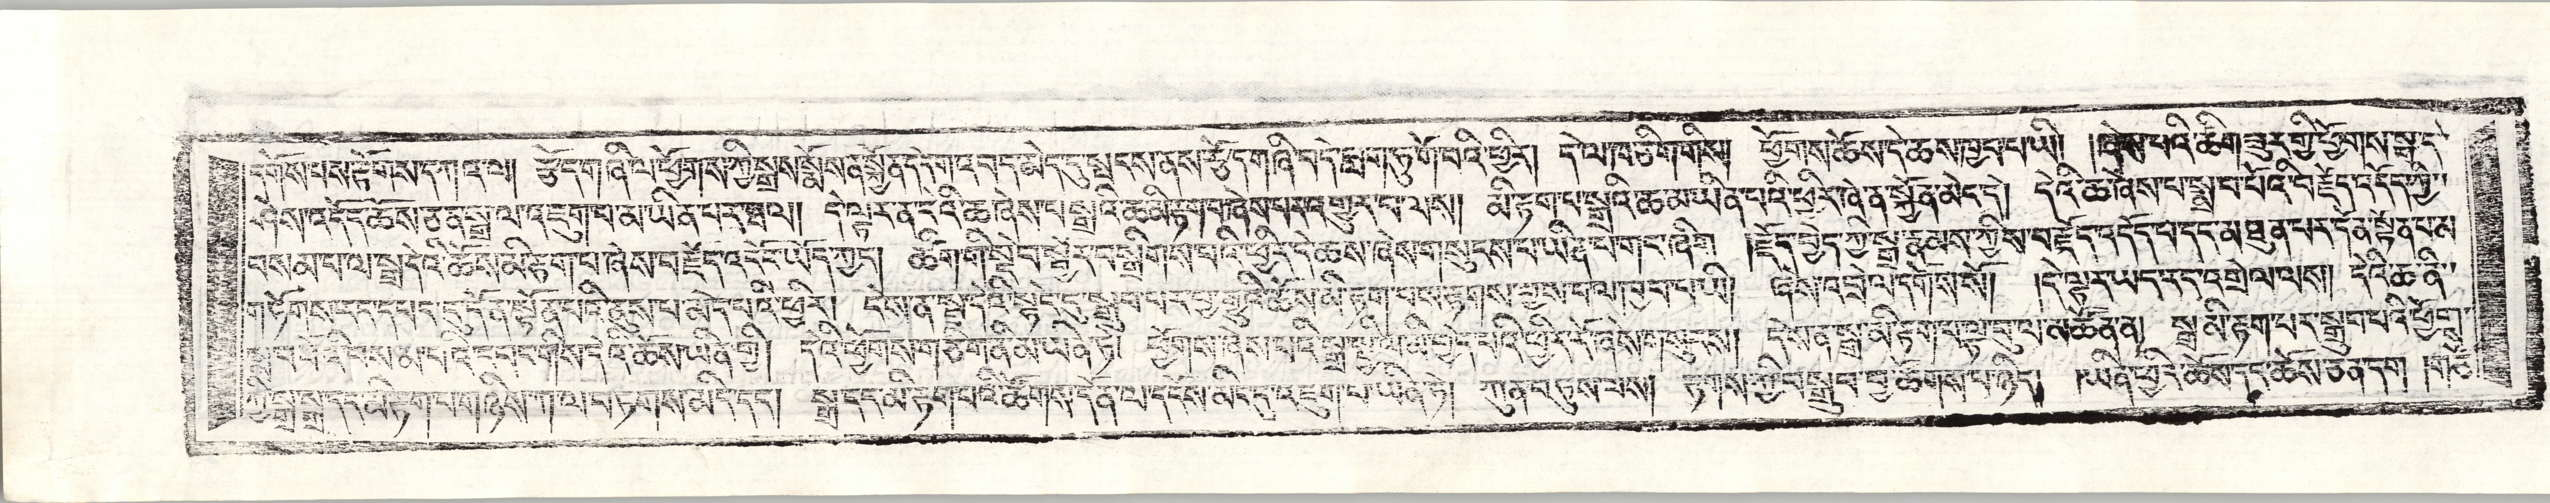དགོས་པས་རྟོགས་དཀའ་ལ། རྩོད་གཞི་ལ་ཕྱོགས་ཀྱི་སྒྲས་སྨོས་ན་སྐྱོན་དེ་དག་འབད་མེད་དུ་སྤངས་ནས་རྩོད་གཞི་བདེ་བླག་ཏུ་གོ་བའི་ཕྱིར། དེ་ལ་ཁ་ཅིག་གིས། ཕྱོགས་ཆོས་དེ་ཆས་ཁྱབ་པ་ཡི། །ཞེས་པའི་ཚིག་ཟུར་གྱི་ཕྱོགས་སྒྲ་དེ་
ཤེས་འདོད་ཆོས་ཅན་སྒྲ་ལ་འཇུག་པ་མ་ཡིན་པར་ཐལ། དེ་ལྟར་ན་དེའི་ཆ་ཞེས་པ་སྒྲའི་ཆ་མི་རྟག་པ་ཞེས་པར་འགྱུར་བ་ལས། མི་རྟག་པ་སྒྲའི་ཆ་མ་ཡིན་པའི་ཕྱིར་ཞེ་ན་སྐྱོན་མེད་དེ། དེའི་ཆ་ཞེས་པ་སྨྲ་བ་པོའི་བརྗོད་འདོད་ཀྱི་
བསམ་པ་ལ་སྒྲ་དེའི་ཆོས་མི་རྟག་པ་ཞེས་བརྗོད་འདོད་ཡོད་ཀྱང་། ཚིག་གི་སྡེབ་སྦྱོར་བསྒྲིགས་པའི་ཕྱིར་དེ་ཆས་ཞེས་གསུངས་པ་ཡིན་པ་གང་ཞིག །རྗོད་བྱེད་ཀྱི་སྒྲ་རྣམས་ཀྱིས་བརྗོད་འདོད་པ་དང་མཐུན་པར་དོན་སྟོན་པ་མ་
གཏོགས་རང་དབང་དུ་དོན་སྟོན་པའི་ནུས་པ་མེད་པའི་ཕྱིར། དེས་ན་སྒྲ་དེའི་སྟེང་དུ་སྒྲུབ་པར་བྱ་རྒྱུའི་ཆོས་མི་རྟག་པས་རྟགས་བྱས་པ་ལ་ཁྱབ་པ་ཡི། ཞེས་འགྲེལ་དགོས་སོ། །དེ་ལྟར་ཡང་རང་འགྲེལ་ལས། དེའི་ཆ་ནི་
སྨྲ་བ་བོའི་བསམ་པའི་དབང་གིས་དེའི་ཆོས་ཡིན་གྱི། དེའི་ཕྱོགས་གཅིག་ནི་མ་ཡིན་ཏེ། ཕྱོགས་ཞེས་པའི་སྒྲ་སྤྱི་ལ་མི་བྱེད་པའི་ཕྱིར་རོ་ཞེས་གསུངས། དེས་ན་སྒྲ་མི་རྟག་པ་ལྟ་བུ་ལ་མཚོན་ན། སྒྲ་མི་རྟག་པར་སྒྲུབ་པའི་ཕྱོགས་
ཀྱི་སྒྲ་སྒྲ་དང་མི་རྟག་པ་གཉིས་ཀ་ལ་བཏགས་མིང་དང་། སྒྲ་དང་མི་རྟག་པའི་ཚོགས་དོན་ལ་དངོས་མིང་དུ་འཇུག་པ་ཡིན་ཏེ། ཀུན་བཏུས་ལས། རྟགས་ཀྱི་བསྒྲུབ་བྱ་ཚོགས་པ་ཉིད། །ཡིན་ཕྱིར་ཆོས་དང་ཆོས་ཅན་དག །གཙོ་